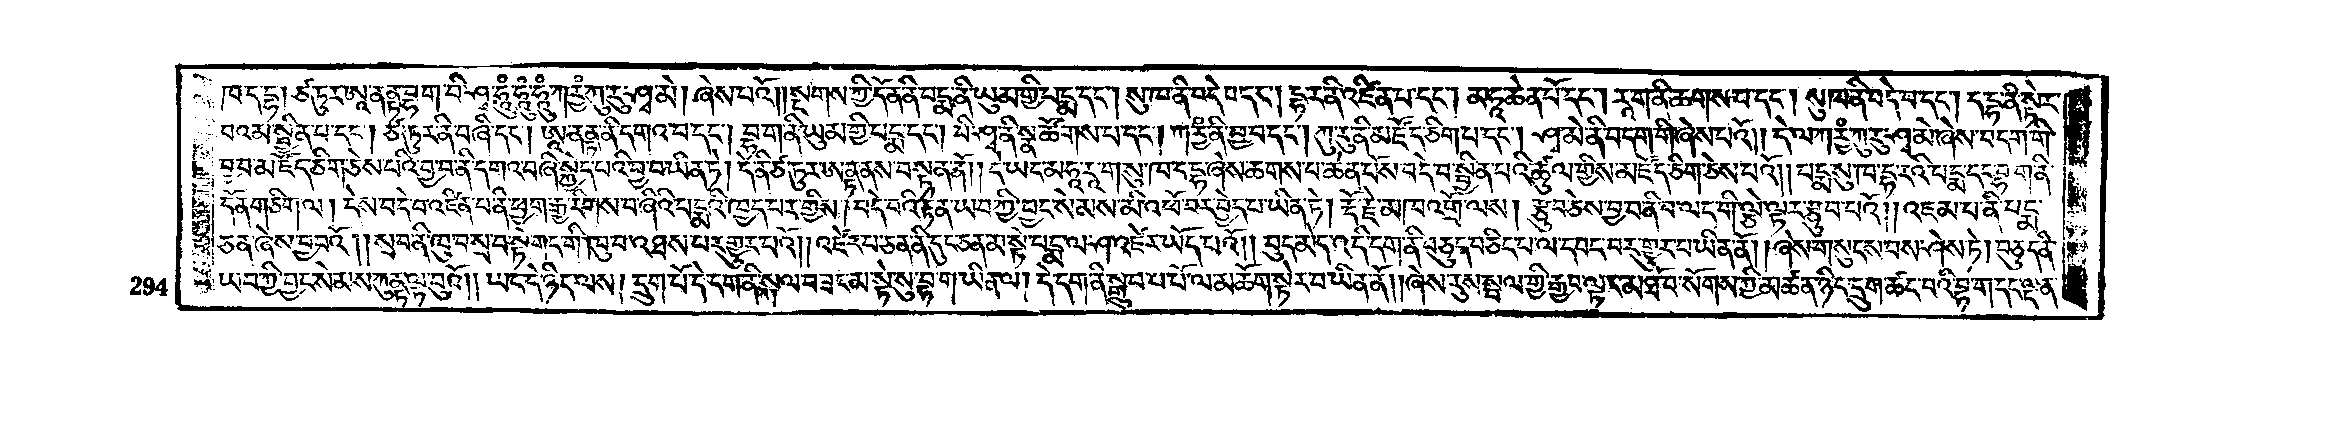ཁ་ད་དྷ། ཙ་ཏུར་ཨཱ་ནནྟ་བྷ་ག་བི་ཤྭ་ཧཱུཾ་ཧཱུཾ་ཧཱུཾ་ཀརཡཾ་ཀུ་རུ་ཤྭ་མེ། ཞེས་པའོ། །སྔགས་ཀྱི་དོན་ནི་པདམ་ནི་ཡུམ་གྱི་པདམ་དང་། སུ་ཁ་ནི་བདེ་བ་དང་། དྷ་ར་ནི་འཛིན་པ་དང་། མཧཱ་ཆེན་པོ་དང་། རཱ་ག་ནི་ཆགས་པ་དང་། སུ་ཁ་ནི་བདེ་བ་དང་། ད་དྷ་ནི་སྟེར་
བའམ་སྦྱིན་པ་དང་། ཙ་ཏུར་ནི་བཞི་དང་། ཨཱ་ནནྟ་ནི་དགའ་བ་དང་། བྷ་ག་ནི་ཡུམ་གྱི་པདམ་དང་། བི་ཤྭ་ནི་སྣ་ཚོགས་པ་དང་། ཀརཡཾ་ནི་བྱ་བ་དང་། ཀུ་རུ་ནི་མཛོད་ཅིག་པ་དང་། ཤྭ་མེ་ནི་བདག་གི་ཞེས་པའོ། །དེ་ལ་ཀརཡཾ་ཀུ་རུ་ཤྭ་མེ་ཞེས་བདག་གི་
བྱ་བ་མཛོད་ཅིག་ཅེས་པའི་བྱ་བ་ནི་དགའ་བཞི་སྐྱེད་པའི་བྱ་བ་ཡིན་ཏེ། དེ་ནི་ཙ་ཏུར་ཨནྟ་ནས་བསྟན་ནོ། །དེ་ཡང་མཧཱ་རཱ་ག་སུ་ཁ་ད་དྷ་ཞེས་ཆགས་པ་ཆེན་པོས་བདེ་བ་སྦྱིན་པའི་ཚུལ་གྱིས་མཛོད་ཅིག་ཅེས་པའོ། །པདམ་སུ་ཁ་དྷ་རའི་པདམ་དང་བྷ་ག་ནི་
དོན་གཅིག་ལ། དེས་བདེ་བ་འཛིན་པ་ནི་ཕྱག་རྒྱ་རིགས་བཞིའི་པདམའི་ཁྱད་པར་གྱིས། བདེ་བའི་རྟེན་ཡབ་ཀྱི་བྱང་སེམས་མི་འཕོ་བར་བྱེད་པ་ཡིན་ཏེ། རྡོ་རྗེ་མཁའ་འགྲོ་ལས། རྩུབ་ཅེས་བྱ་བ་ནི་བ་ལང་གི་ལྕེ་ལྟར་རྩུབ་པའོ། །འཇམ་པ་ནི་པདམ་
ཅན་ཞེས་བྱ་བའོ། །སྲ་བ་ནི་ཁུ་བ་སྲ་བ་སྟེ་གང་གི་ཁུ་བ་འཐས་པར་གྱུར་པའོ། །འཛེར་པ་ཅན་ནི་དུང་ཅན་མ་སྟེ་པདམ་ལ་ཤ་འཛེར་ཡོད་པའོ། །བུད་མེད་འདི་དག་ནི་བཅུད་བཅིང་པ་ལ་དབང་བར་གྱུར་བ་ཡིན་ནོ། །ཞེས་གསུངས་པས་ཤེས་ཏེ། བཅུད་ནི་
ཡབ་ཀྱི་བྱང་སེམས་ཀུནྟ་ལྟ་བུའོ། །ཡང་དེ་ཉིད་ལས། དྲུག་པོ་དེ་དག་ནི་སྐལ་བཟང་མ་སྟེ་སུ་བྷ་ག་ཡིན་ལ། དེ་དག་ནི་སྒྲུབ་པ་པོ་ལ་མཆོག་སྟེར་བ་ཡིན་ནོ། །ཞེས་རུས་སྦལ་གྱི་རྒྱབ་ལྟར་མཐོ་བ་སོགས་ཀྱི་མཚན་ཉིད་དྲུག་ཚང་བའི་བྷ་ག་དང་ལྡན་